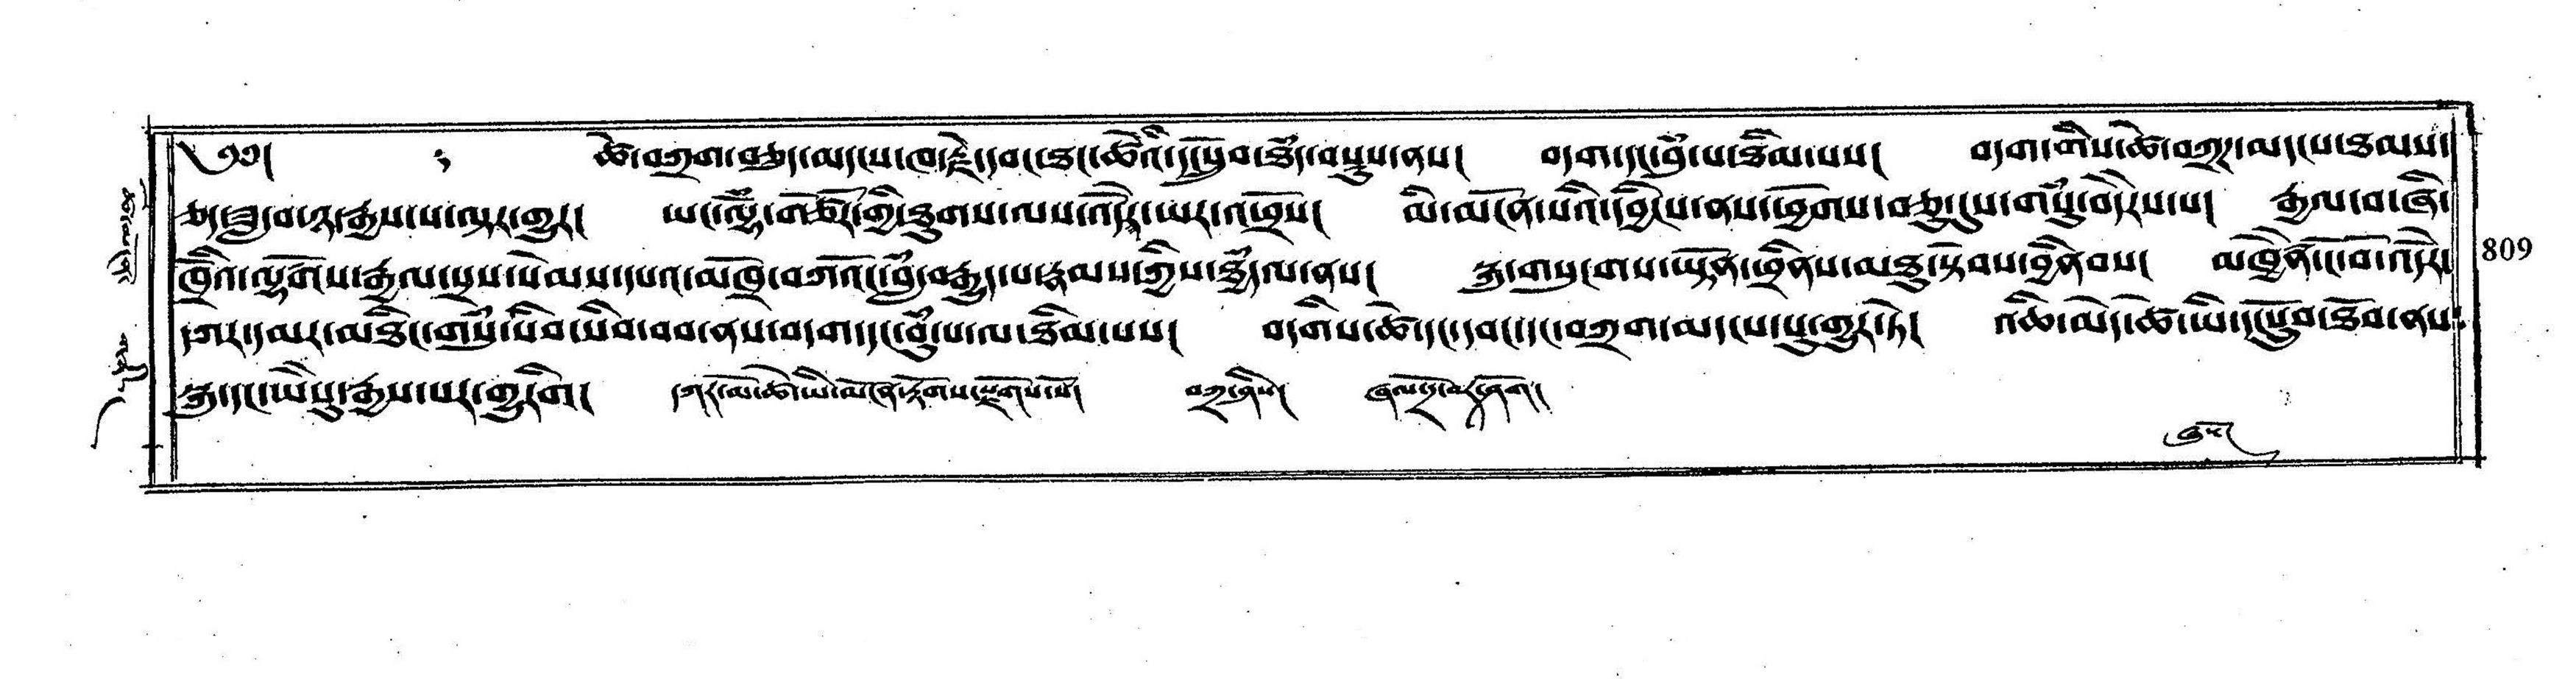ཚེ་བཀྲག་བཅུད་མདངས་ཁ་རྗེ་དབང་ཐང་ཚེའི་དངོས་གྲུབ་ཐམས་ཅད་བསྡུས་ནས། བདག་དང་བུམ་པ་ལ་ཐིམ་པས། བདག་གིས་ཚེ་བཀྲགས་མདངས་ཐམས་
ཅད་ཟླ་བ་ཉ་རྒྱས་པ་ལྟར་གྱུར། ཡང་ལྷ་མོ་གཙོ་འཁོར་གྱི་ཐུགས་ལས་འོད་ཟེར་ཡར་འཕྲོས། མི་མངོན་པའི་དབྱིངས་ནས་ཕྱོགས་བཅུ་དུས་གསུམ་བདེར་གཤེགས་པ། རྒྱལ་བ་ཞི་
ཁྲོའི་ལྷ་ཚོགས་རྒྱལ་སྲས་སེམས་དཔའ་མཁའ་འགྲོ་བཀའ་སྐྱོང་བླ་མ་བརྒྱུད་པ་རྣམས་ཀྱིས་ཐུགས་དམ་བསྐུལ་ནས། སྐུ་གསུང་ཐུགས་ཡོན་ཏན་ཕྲིན་ལས་མཐུ་སྟོབས་བྱིན་རླབས། མཁྱེན་བརྩེ་ངོ་བོ་འོད་ཟེར་
དཀར་དམར་མཐིང་གསུམ་སིབ་སིབ་བབ་ནས་བདག་དང་བུམ་པ་ལ་ཐིམ་པས། བདག་གི་ཚེ་དང་དབང་ཐང་བཀྲག་མདངས་སུ་གྱུར་ཏེ། འཆི་མེད་ཚེ་ཡི་དངོས་གྲུབ་ཐོབ་ནས་
སྐུ་དང་ཡེ་ཤེས་སུ་རྒྱས་པར་གྱུར་ཅིག དཀར་མོ་ཚེ་ཡི་མངོན་རྟོགས་རྫོགས་སོ། བཀྲ་ཤིས། ཞལ་དྲོ་བར་ཤོག